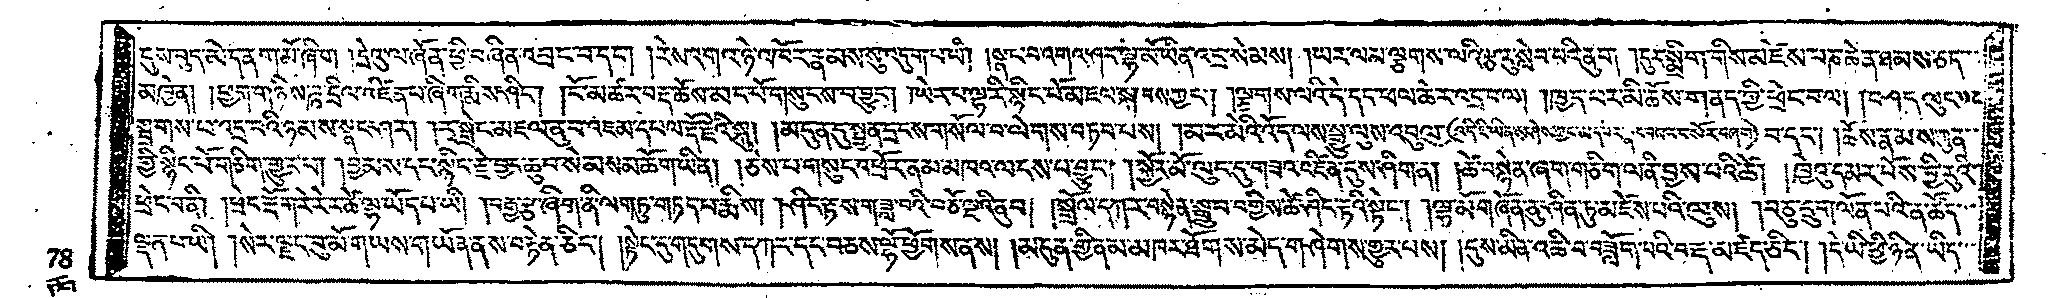དུས་བུད་མེད་ནག་མོ་ཞིག །དྲེའུ་ལ་ཞོན་ཕྱི་བཞིན་འབྲང་བ་དང་། །རེས་འགའ་ཉེ་འཁོར་རྣམས་སུ་འདུག་པ་ཡི། །སྣང་བ་འགའ་ཤར་ལྷ་མོ་ཡིན་འདྲ་སེམས། །ཡར་ལམ་ལྕགས་ལའི་རྩ་རུ་སླེབས་པའི་ནུབ། །ངུར་སྨྲིག་གིས་མཛེས་པཎ་ཆེན་ཐམས་ཅད་
མཁྱེན། །ཕྱག་གཉིས་ཌཱ་དྲིལ་འཛིན་པ་ཞིག་རྨིས་ཤིང་། །ངོ་མཚར་བརྡ་ཆོས་མང་པོ་གསུངས་པ་བྱུང་། །ཡེར་པ་ལྷ་རི་སྙིང་པོ་མཇལ་སྐབས་ཀྱང་། །ལྕགས་ལའི་དེ་དང་ཕལ་ཆེར་འདྲ་བ་ལ། །ཁྱད་པར་མི་ཆོས་གནད་ཀྱི་ཕྲེང་བ་ལ། །བཤད་ལུང་པར་?
སྦྲགས་པ་འདྲ་བའི་ཉམས་སྣང་ཤར། །རྭ་སྒྲེང་མཇལ་ནུབ་འཇམ་དཔལ་རྡོ་རྗེའི་སྐུ། །མདུན་དུ་སྤྱན་དྲངས་གསོལ་བ་ལེགས་བཏབ་པས། །མར་མེའི་འོད་ལས་སྒྱུ་ལུས་འབུལ་འདི་ཇི་ཡིན་མ་ཤེས་ཀྱང་མ་དཔེར་སྣང་བས་རང་སོར་བཞག་བ་དང་། །ཆོས་རྣམས་ཀུན་
གྱི་སྙིང་པོ་གཅིག་གྱུར་པ། །བྱམས་དང་སྙིང་རྗེ་བྱང་ཆུབ་སེམས་མཆོག་ཡིན། །ཅེས་པ་གསུང་འཕྲོར་ནམ་མཁའ་ལངས་པ་བྱུང་། །སྐྱོར་མོ་ལུང་དུ་གཟའ་འཛིན་དུས་ཤིག་ན། །ཚེ་བསྙེན་ཞག་གཅིག་ལ་ནི་བྱས་པའི་ཚེ། །ཁྱེའུ་དམར་པོས་བྱི་རུའི་
ཕྲེང་བ་ནི། །ཕྲེང་རྡོག་རེ་རེར་ཚེ་ལྷ་ཡོད་པ་ཡི། །བརྒྱ་རྩ་ཞིག་ནི་ལག་ཏུ་གཏད་པ་རྨིས། །ཤིང་རྟས་ག་ཟླ་བའི་བཅོ་ལྔའི་ནུབ། །སྒྲོལ་དཀར་བསྙེན་སྒྲུབ་བགྱིས་ཚེ་ཤིང་རྟའི་སྟེང་། །ལྷ་མོ་གཞོན་ནུ་ཤིན་ཏུ་མཛེས་པའི་ལུས། །བཅུ་དྲུག་ལོན་པའི་ན་ཚོད་
ལྡན་པ་ཡི། །སེར་ལྗང་བུ་མོ་གཡས་གཡོན་ནས་བརྟེན་ཅིང་། །སྟེང་དུ་གདུགས་དཀར་དང་བཅས་ལྷོ་ཕྱོགས་ནས། །མདུན་གྱི་ནམ་མཁར་ཐོགས་མེད་གཤེགས་གྱུར་པས། །དུས་མིན་འཆི་བ་བཟློག་པའི་བརྡ་མཛད་ཅིང་། །དེ་ཡི་ཕྱི་ཉིན་ཡིད་